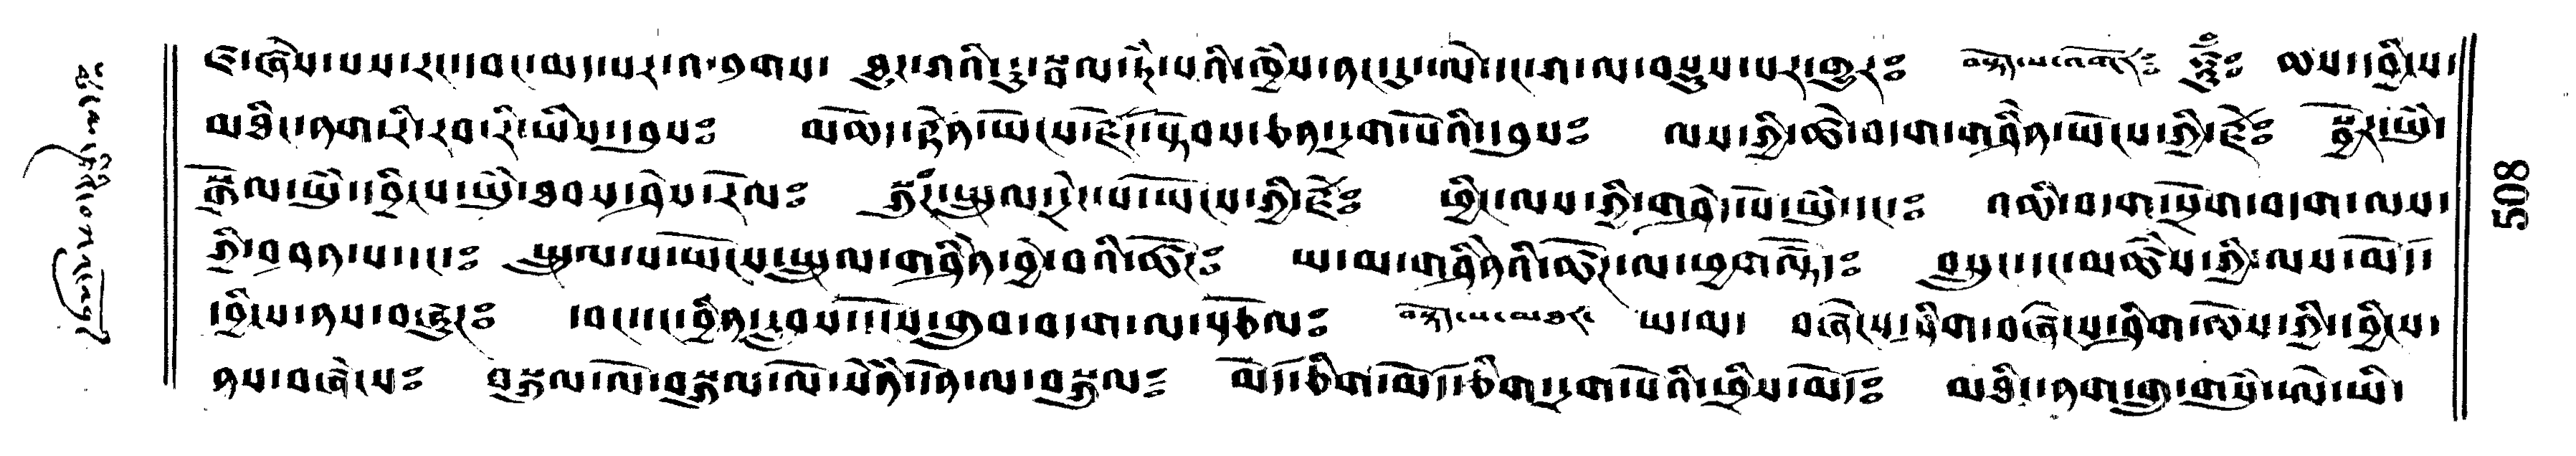ཛ་ཞེས་པས་རང་དབང་མེད་པར་ཕྲོགས། ཐུགས་ཀའི་རུས་སྦལ་རྔམ་པའི་ཁྱམས་ནང་དུ་ཨེ་དང་ཀ་ལ་བསྡུས་པར་གྱུར༔ བསྟོད་པ་འགོར༔ ཧཱུྃ༔ ཆོས་དབྱིངས་
མཐིང་ནག་རི་རབ་རི་ཡི་དབུས༔ མཆོད་རྟེན་ཡོངས་རྫོགས་སྟོབས་ཅན་དྲག་པོའི་དབུས༔ ལས་ཀྱི་ཚེ་བདག་གཤིན་རྗེ་ཡོངས་ཀྱི་རྗེ༔ སྦྱོར་ཡུམ་
སྒྲོལ་ཡུམ་དབྱིངས་ཡུམ་ཐབས་ཤེས་རོལ༔ སྐུ་གསུང་ཐུགས་སྤྲུལ་དྲེགས་པ་ཡོངས་ཀྱི་རྗེ༔ ཕྱི་ནང་ལས་ཀྱི་གཤེད་པོ་ཡབ་ཡུམ་དང༔ འཆི་བདག་སྲོག་བདག་ལས་
ཀྱི་གཤན་པ་དང༔ སྤྲུལ་པ་ཡང་སྤྲུལ་གཤིན་རྗེ་བྱེ་བའི་ཚོགས༔ ཡ་མ་གཤིན་རྗེའི་ཚོགས་ལ་ཕྱག་འཚལ་བསྟོད༔ སྲུང་དང་མཚམས་ཀྱི་ལས་མཛོད་
དབྱིངས་ནས་བཞུགས༔ དབང་དང་བྱིན་རླབས་དངོས་གྲུབ་བདག་ལ་སྩོལ༔ བསྟོད་པ་མཐར། ཡ་མ། བཞེངས་ཤིག་བཞེངས་ཤིག་ཆོས་ཀྱི་དབྱིངས་
ནས་བཞེངས༔ སྐུལ་ལོ་སྐུལ་ལོ་སེམས་ཅན་དོན་ལ་སྐུལ༔ མཛོད་ཅིག་མཛོད་ཅིག་དྲག་པོའི་ཕྲིན་ལས་མཛོད༔ མཐིང་ནག་གྲུ་གསུམ་ཨེ་ཡི་